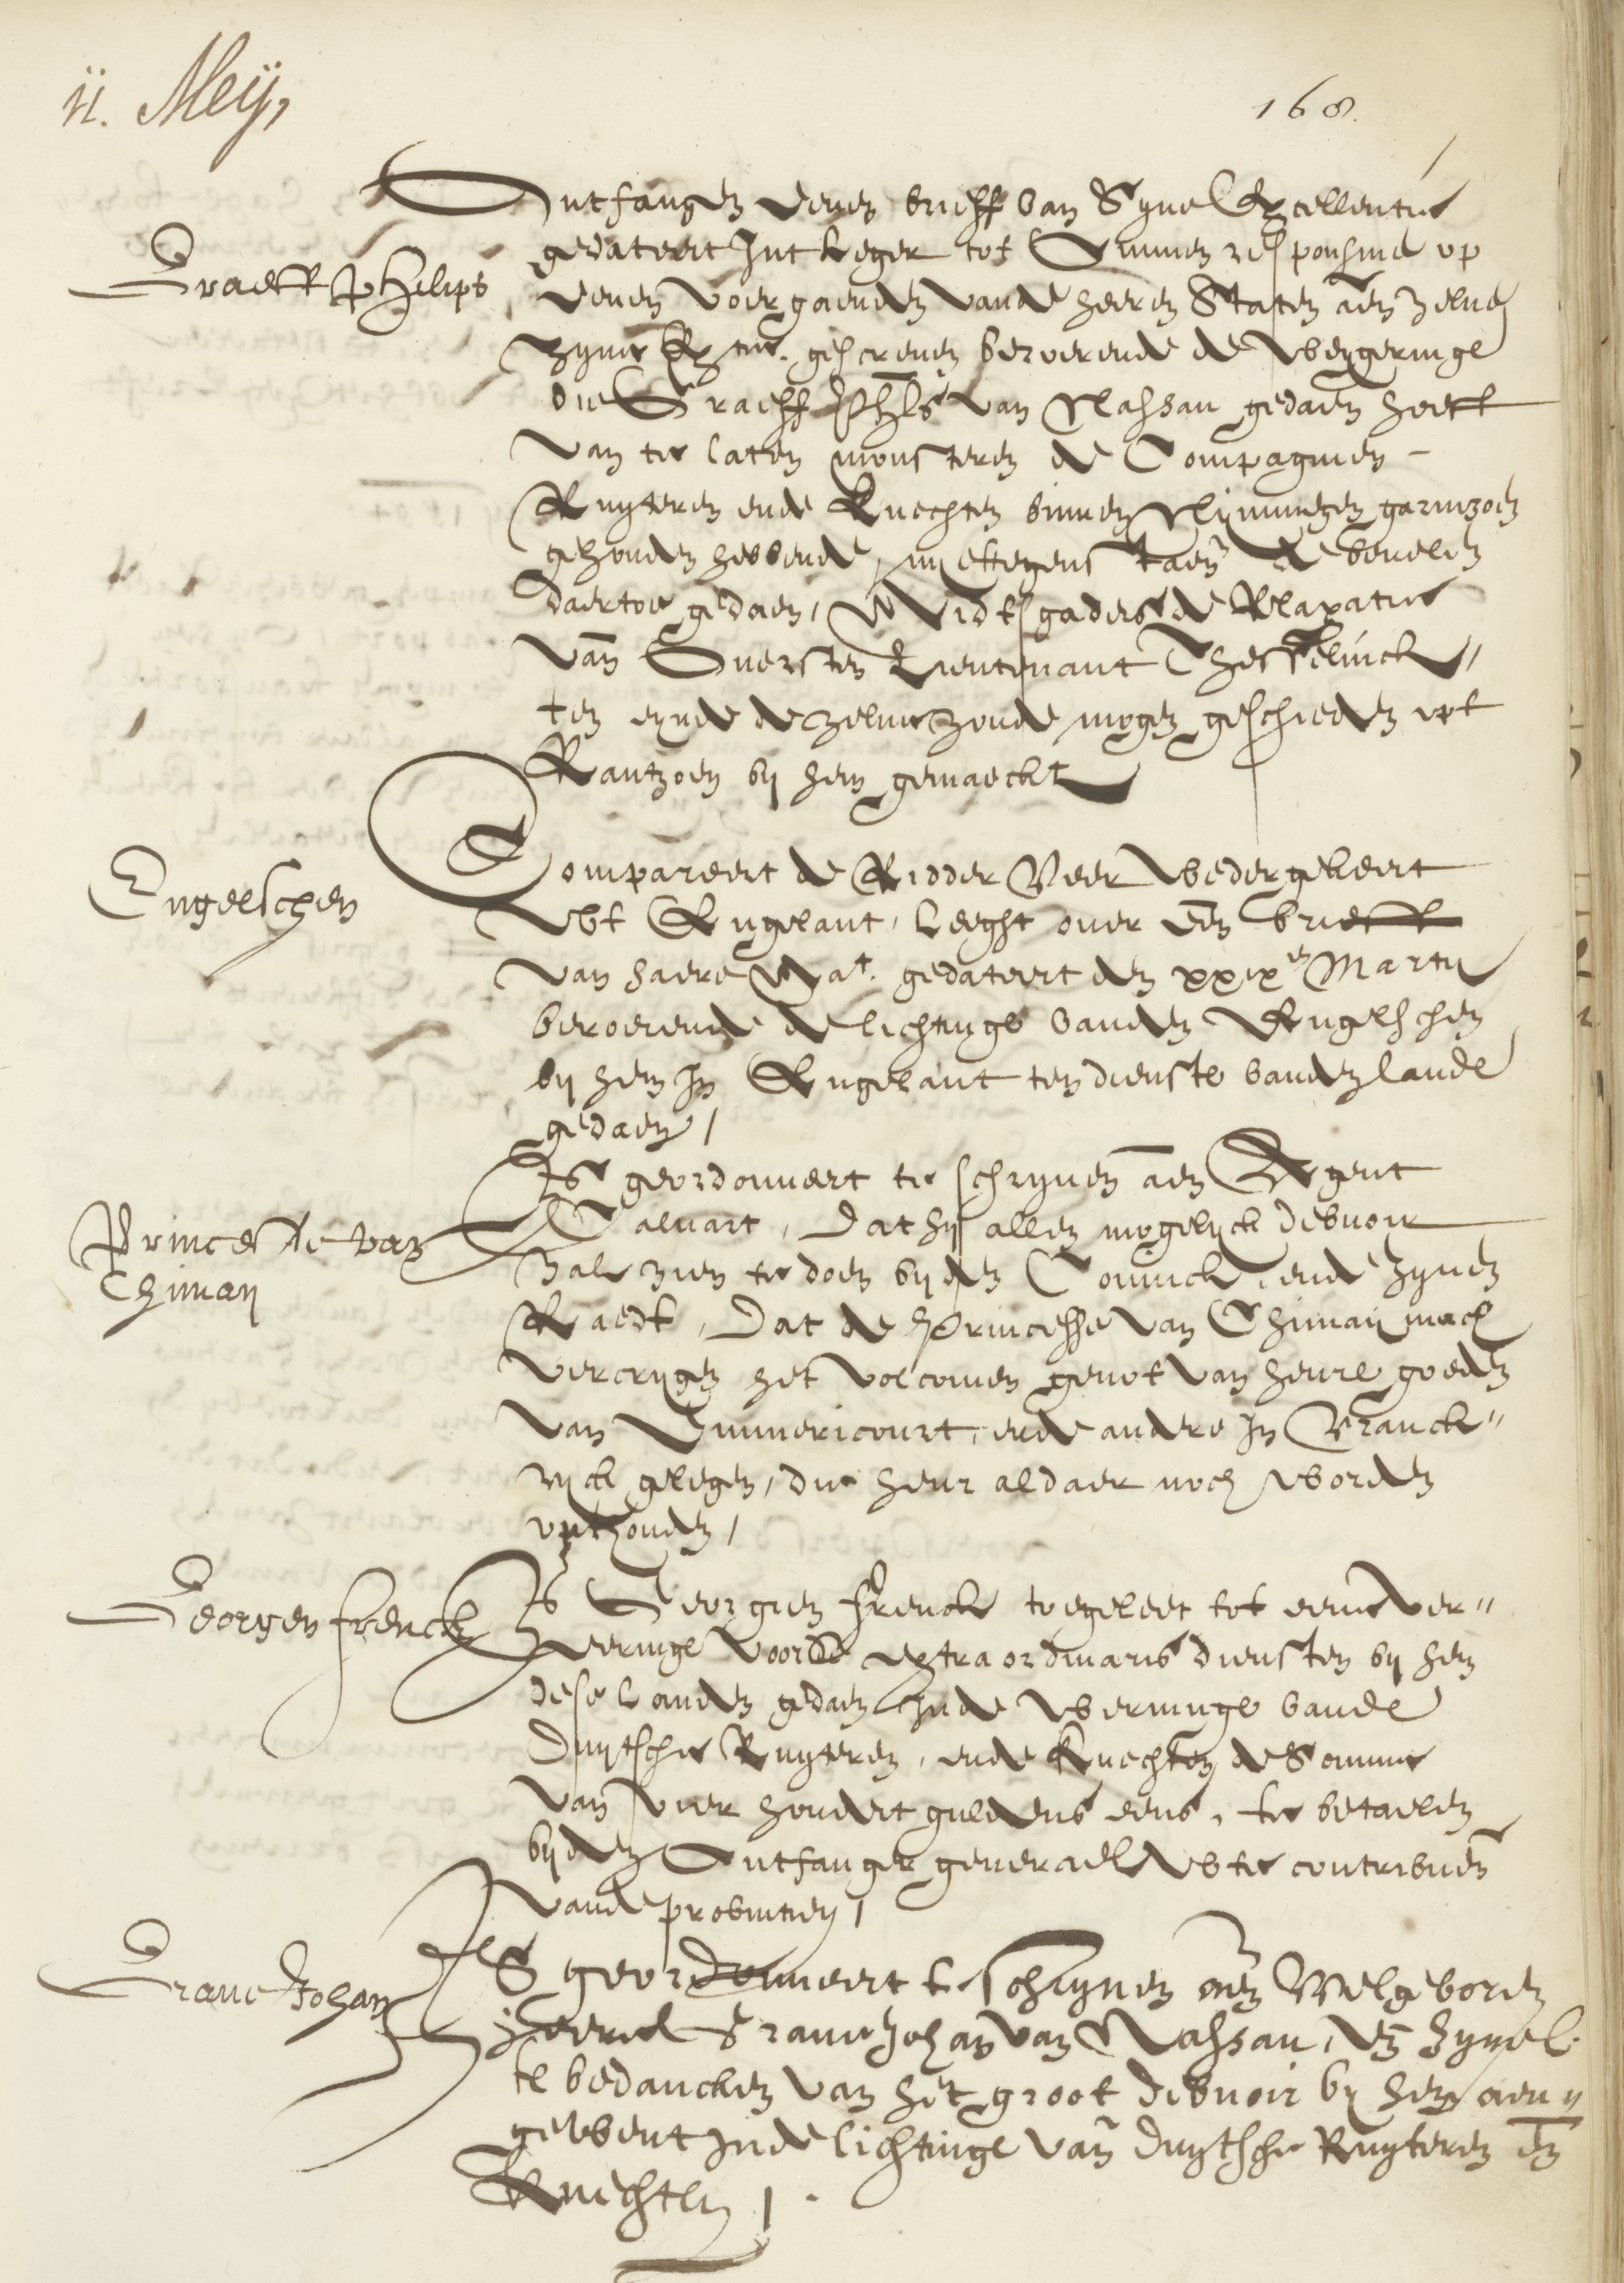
11. Meij,
Graeff Philips
Engelschen
Princesse van
Chimay
Graue Johan
168.
Ontfangen eenen brieff van Syne Excellentie
gedateert Int Leger tot Ommen responsiue op
eenen voergaenden vande heeren Staten aen zelue
zyner Extie. gescreuen beroerende de weygeringe
die Graeff Phls van Nassau gedaen heeft
van te laten monsteren de Compagnien
Ruyteren ende Knechten binnen Nijmmegen garnizoen
gehouden hebbende, nyettegenstaen de bevelen
daertoe gedaen, Midtsgaders de Relaxatie
van Ouersten Lieutenant Thesselinck,
ten eynde de zelue zoude mogen geschieden opt
Rantzoen by hem gemaeckt
Compareert de Ridder Veer wedergekeert
Wt Engelant, Leeght ouer een Brieff
van haere Mat. gedateert den xxixen. Marty
beroerende de lichtinge vanden Engelschen
by hem In Engelant ten dienste vanden lande
gedaen.
Is geordonneert te schryuen aen Agent
Caluart, dat hy allen mogelyck debuoir
zal zien te doen byden Coninck, ende zynen
Raedt, Dat de Princesse van Chimay mach
vercrygen het volcomen genot van heure goeden
van Emmericourt, ende andere In Vranck„
ryck gelegen, die heur aldaer noch worden
onthouden.
Georgen Frenk
Is Georgien Frenck toegeleet tot eene ver„
eeringe voorde extra ordinaris diensten by hem
dese landen gedaen Inde weruinge vande
Duytsche Ruyteren, ende Knechten de Somme
van vier hondert guldens eens, te betaelen
byden Ontfanger generael Wte contribuen
vande provintien.
Is geordonneert te schlyuen aen Welgeboren
d'heere Grave Johan van Nassau, en zyne l.
te bedancken van het groot debuoir by hem aen„
gewent inde lichtinge van duytsche Ruyteren en
Knechten.
